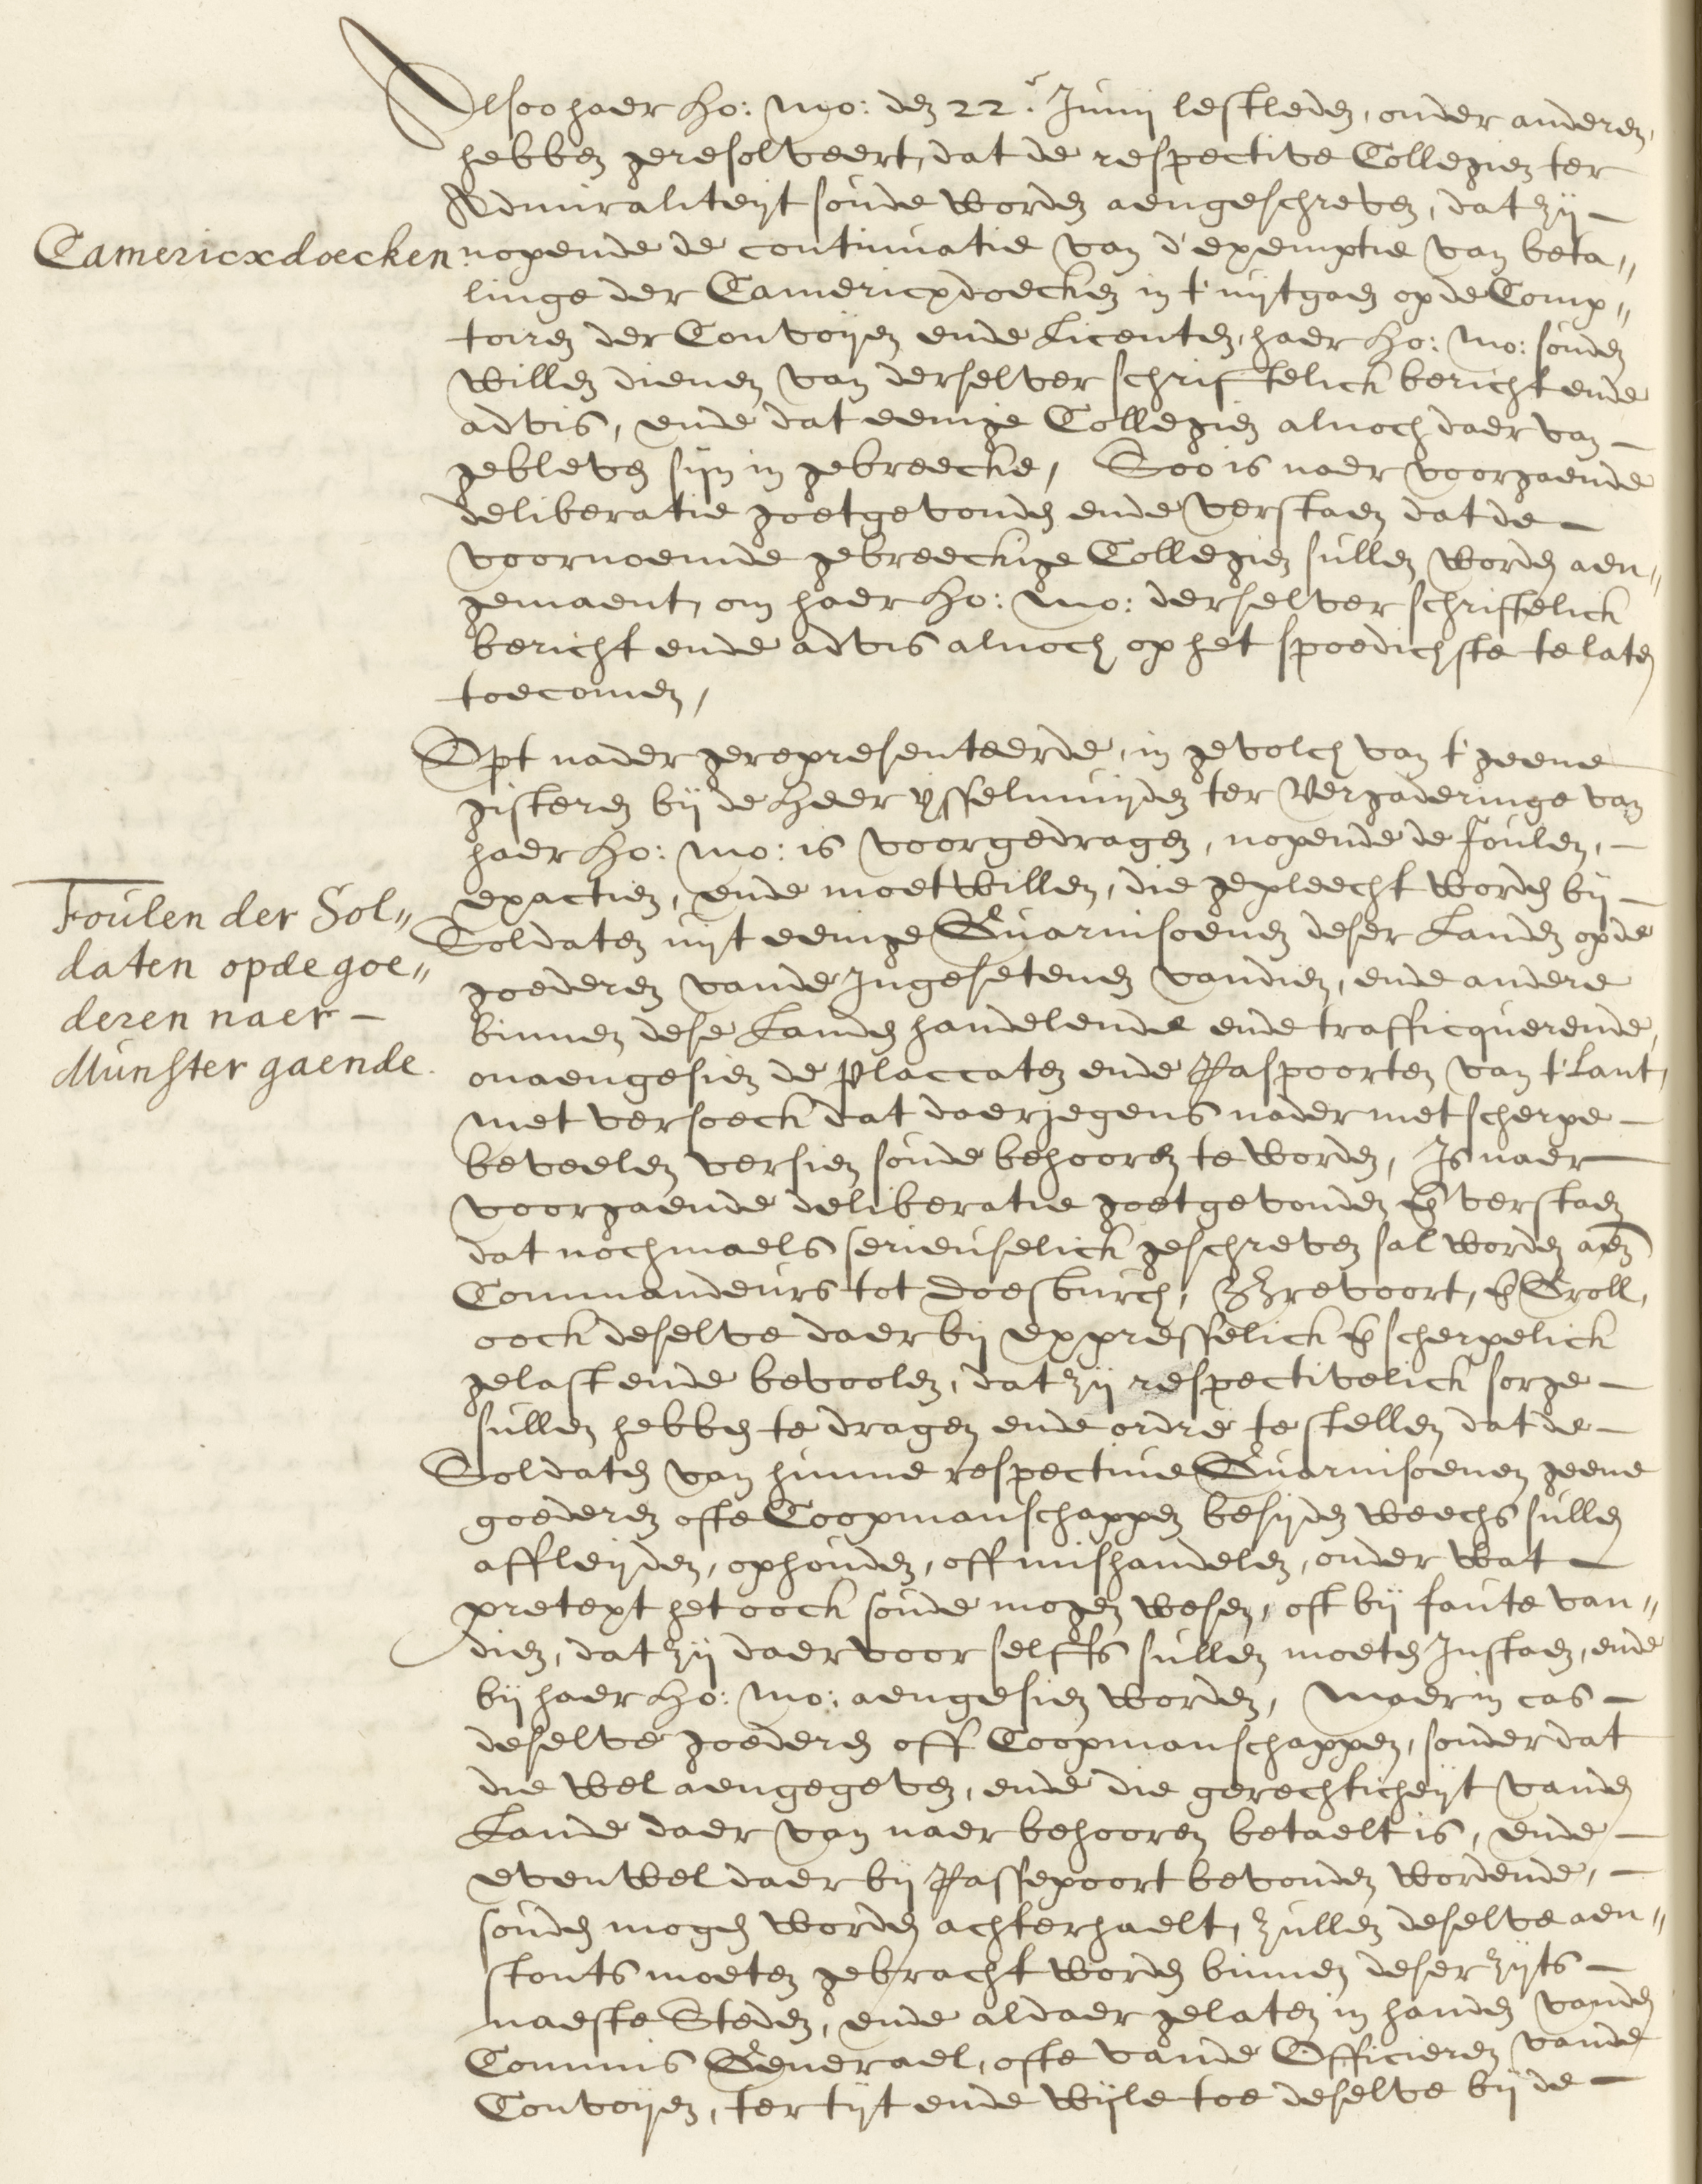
Camericxdoecken
Alsoo haer Ho:Mo: den 22e. Junij lestleden, onder anderen
hebben geresolveert, dat de respective Collegien ter
Admiraliteijt soude worden aengeschreven, dat zij
nopende de continuatie van d'exemptie van beta„
linge der Camericxdoecken in t‛uijtgaen op de Comp„
toiren der Convoijen ende Licenten, haer Ho:Mo: souden
willen dienen van derselver schriftelick bericht ende
advis, ende dat eenige Collegien alnoch daer van
gebleven sijn in gebreecke, Soo is naer voorgaende
deliberatie goetgevonden ende verstaen dat de —
voornoemde gebreeckige Collegien sullen worden aen„
gemaent, om haer Ho:Mo: derselver schriftelick
bericht ende advis alnoch op het spoedichste te laten
toecomen.
Foulen der Sol„
daten opde goe„
deren naer —
Munster gaende
Opt nader gerepresenteerde, in gevolch van t'geene
gisteren bij de heer Ysselmuijden ter Vergaderinge van
haer Ho:Mo: is voorgedragen, nopende de foulen,
exactien, ende moetwillen, die gepleecht worden bij
Soldaten uijt eenige Guarinsoenen deser Landen opde
goederen vande Ingesetenen vandien, ende andere
binnen dese Landen handelende ende trafficquerende
onaengesien de placcaten ende paspoorten van t'Lant,
met versoeck dat daerjegens nader met scherpe
beveelen versien soude behooren te worden, Is naer
voorgaende deliberatie goetgevonden & verstaen
dat nochmaels serieuselick geschreven sal worden aen
Commandeurs tot Doesburch, Brevoort, & Groll,
oock deselve daerbij expresselick & scherpelick
gelast ende bevoolen, dat zij respectivelick sorge
sullen hebben te dragen ende ordre te stellen dat de
Soldaten van hunne respectiue Guarnisoenen geene
goederen ofte Coopmanschappen besijden weechs sullen
affleijden, ophouden, off mishandelen, onder wat
pretext het oock soude mogen wesen, off bij faute van„
dien, dat zij daervoor selffs sullen moeten Instaen, ende
bij haer Ho:Mo: aengesien worden. Maer in cas —
deselve goederen off Coopmanschappen, sonder dat
die wel aengegeven, ende die gerechticheijt vanden
Lande daer van naer behooren betaelt is, ende
evenwel daerbij passepoort bevonden wordende,
souden mogen worden achterhaelt, zullen deselve aen„
stonts moeten gebracht worden binnen deser zijts
naeste Steden, ende aldaer gelaten in handen vanden
Commis Generael, ofte vande Officieren vande
Convoijen, ter tijt ende wijle toe deselve bij de
